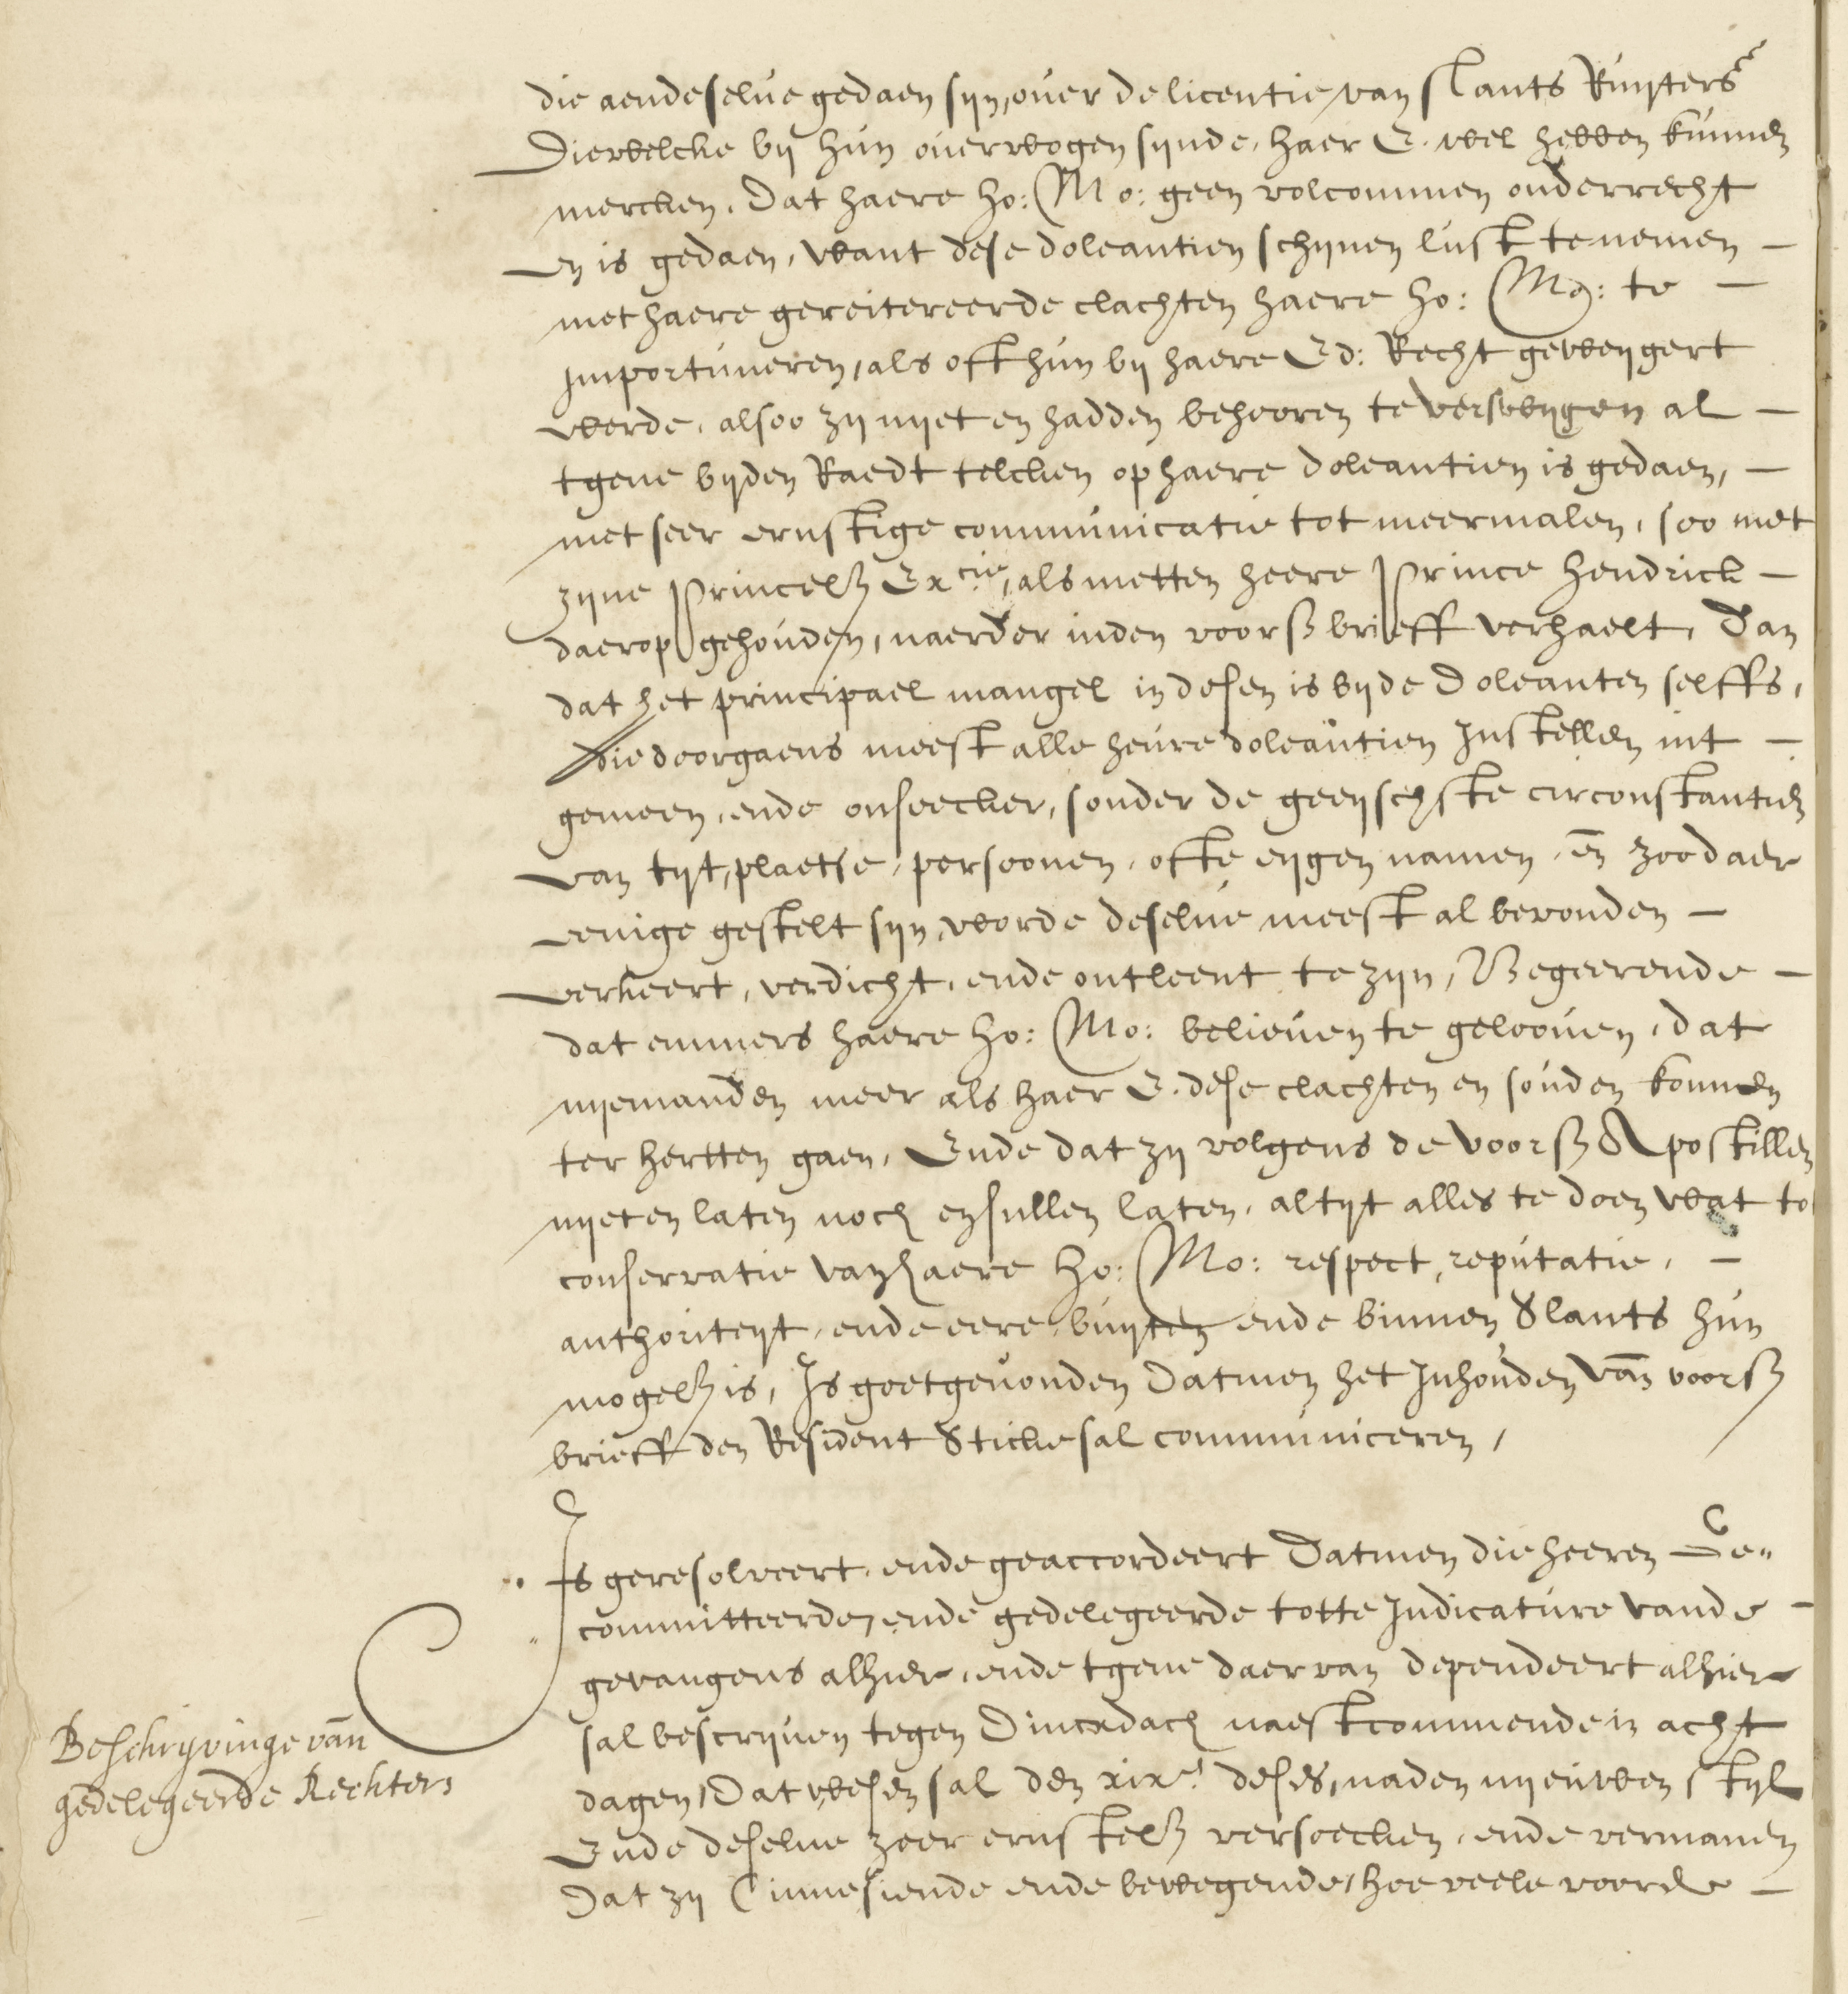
die aen deselue gedaen syn ouer de licentie van slants Ruyters
Diewelcke by hun ouerwogen synde, haer E. wel hebben kunnen
mercken, dat haere ho:Mo: geen volcommen onderrecht
en is gedaen, want dese doleantien schynen lust te nemen
met haere gereitereerde clachten haere ho:Mo: te
importuneren, als off hun bij haere Ed: Recht geweygert
werde, alsoo zy nyet en hadden behooren te verswygen al
tgene byden Raedt telcken op haere doleantien is gedaen, —
met seer ernstige communicatie tot meermalen, soo met
zyne Princel Excie., als metten heere Prince hendrick
daerop gehouden, naerder inden voors brieff verhaelt, Dan
dat het principael mangel in desen is byde Doleanten selffs,
die doorgaens meest alle heure doleantien Instellen int
gemeen, ende onseecker, sonder de geeyschste circonstantien
van tyt, plaetse, persoonen, ofte eygen namen, en zoo daer
eenige gestelt syn, worde deselue meest al bevonden -
verkeert, verdicht, ende ontleent te zyn, Begeerende
dat emmers haere ho:Mo: belieuen te geloouen, dat
nyemand en meer als haer E. dese clachten en souden konnen
ter hertten gaen, Ende dat zy volgens de voors Apostillen
nyet en laten noch en sullen laten, altyt alles te doen wat te
conservatie van haere ho:Mo: respect, reputatie, -
authoriteyt, ende eere buyten ende binnen Slants hun
mogel is, Is goetgeuonden datmen het Inhouden van voors
brieff den Resident Sticke sal communiceren.
Beschrijvinge van
gedelegeerde Rechten
Is geresolveert, ende geaccordeert Datmen die heeren Ge,,
„committeerden ende gedelegeerde totte Judicature vande
gevangens alhier, ende tgene daer van dependeert alhier
sal bescryuen tegen Dincxdach naestcommende in acht
dagen, dat wesen sal den xixe. deses, naden nyeuwen styl
Ende deselue zeer ernstel versoecken, ende vermanen
Dat zy (innesiende ende bewegende, hoe veele voorde
